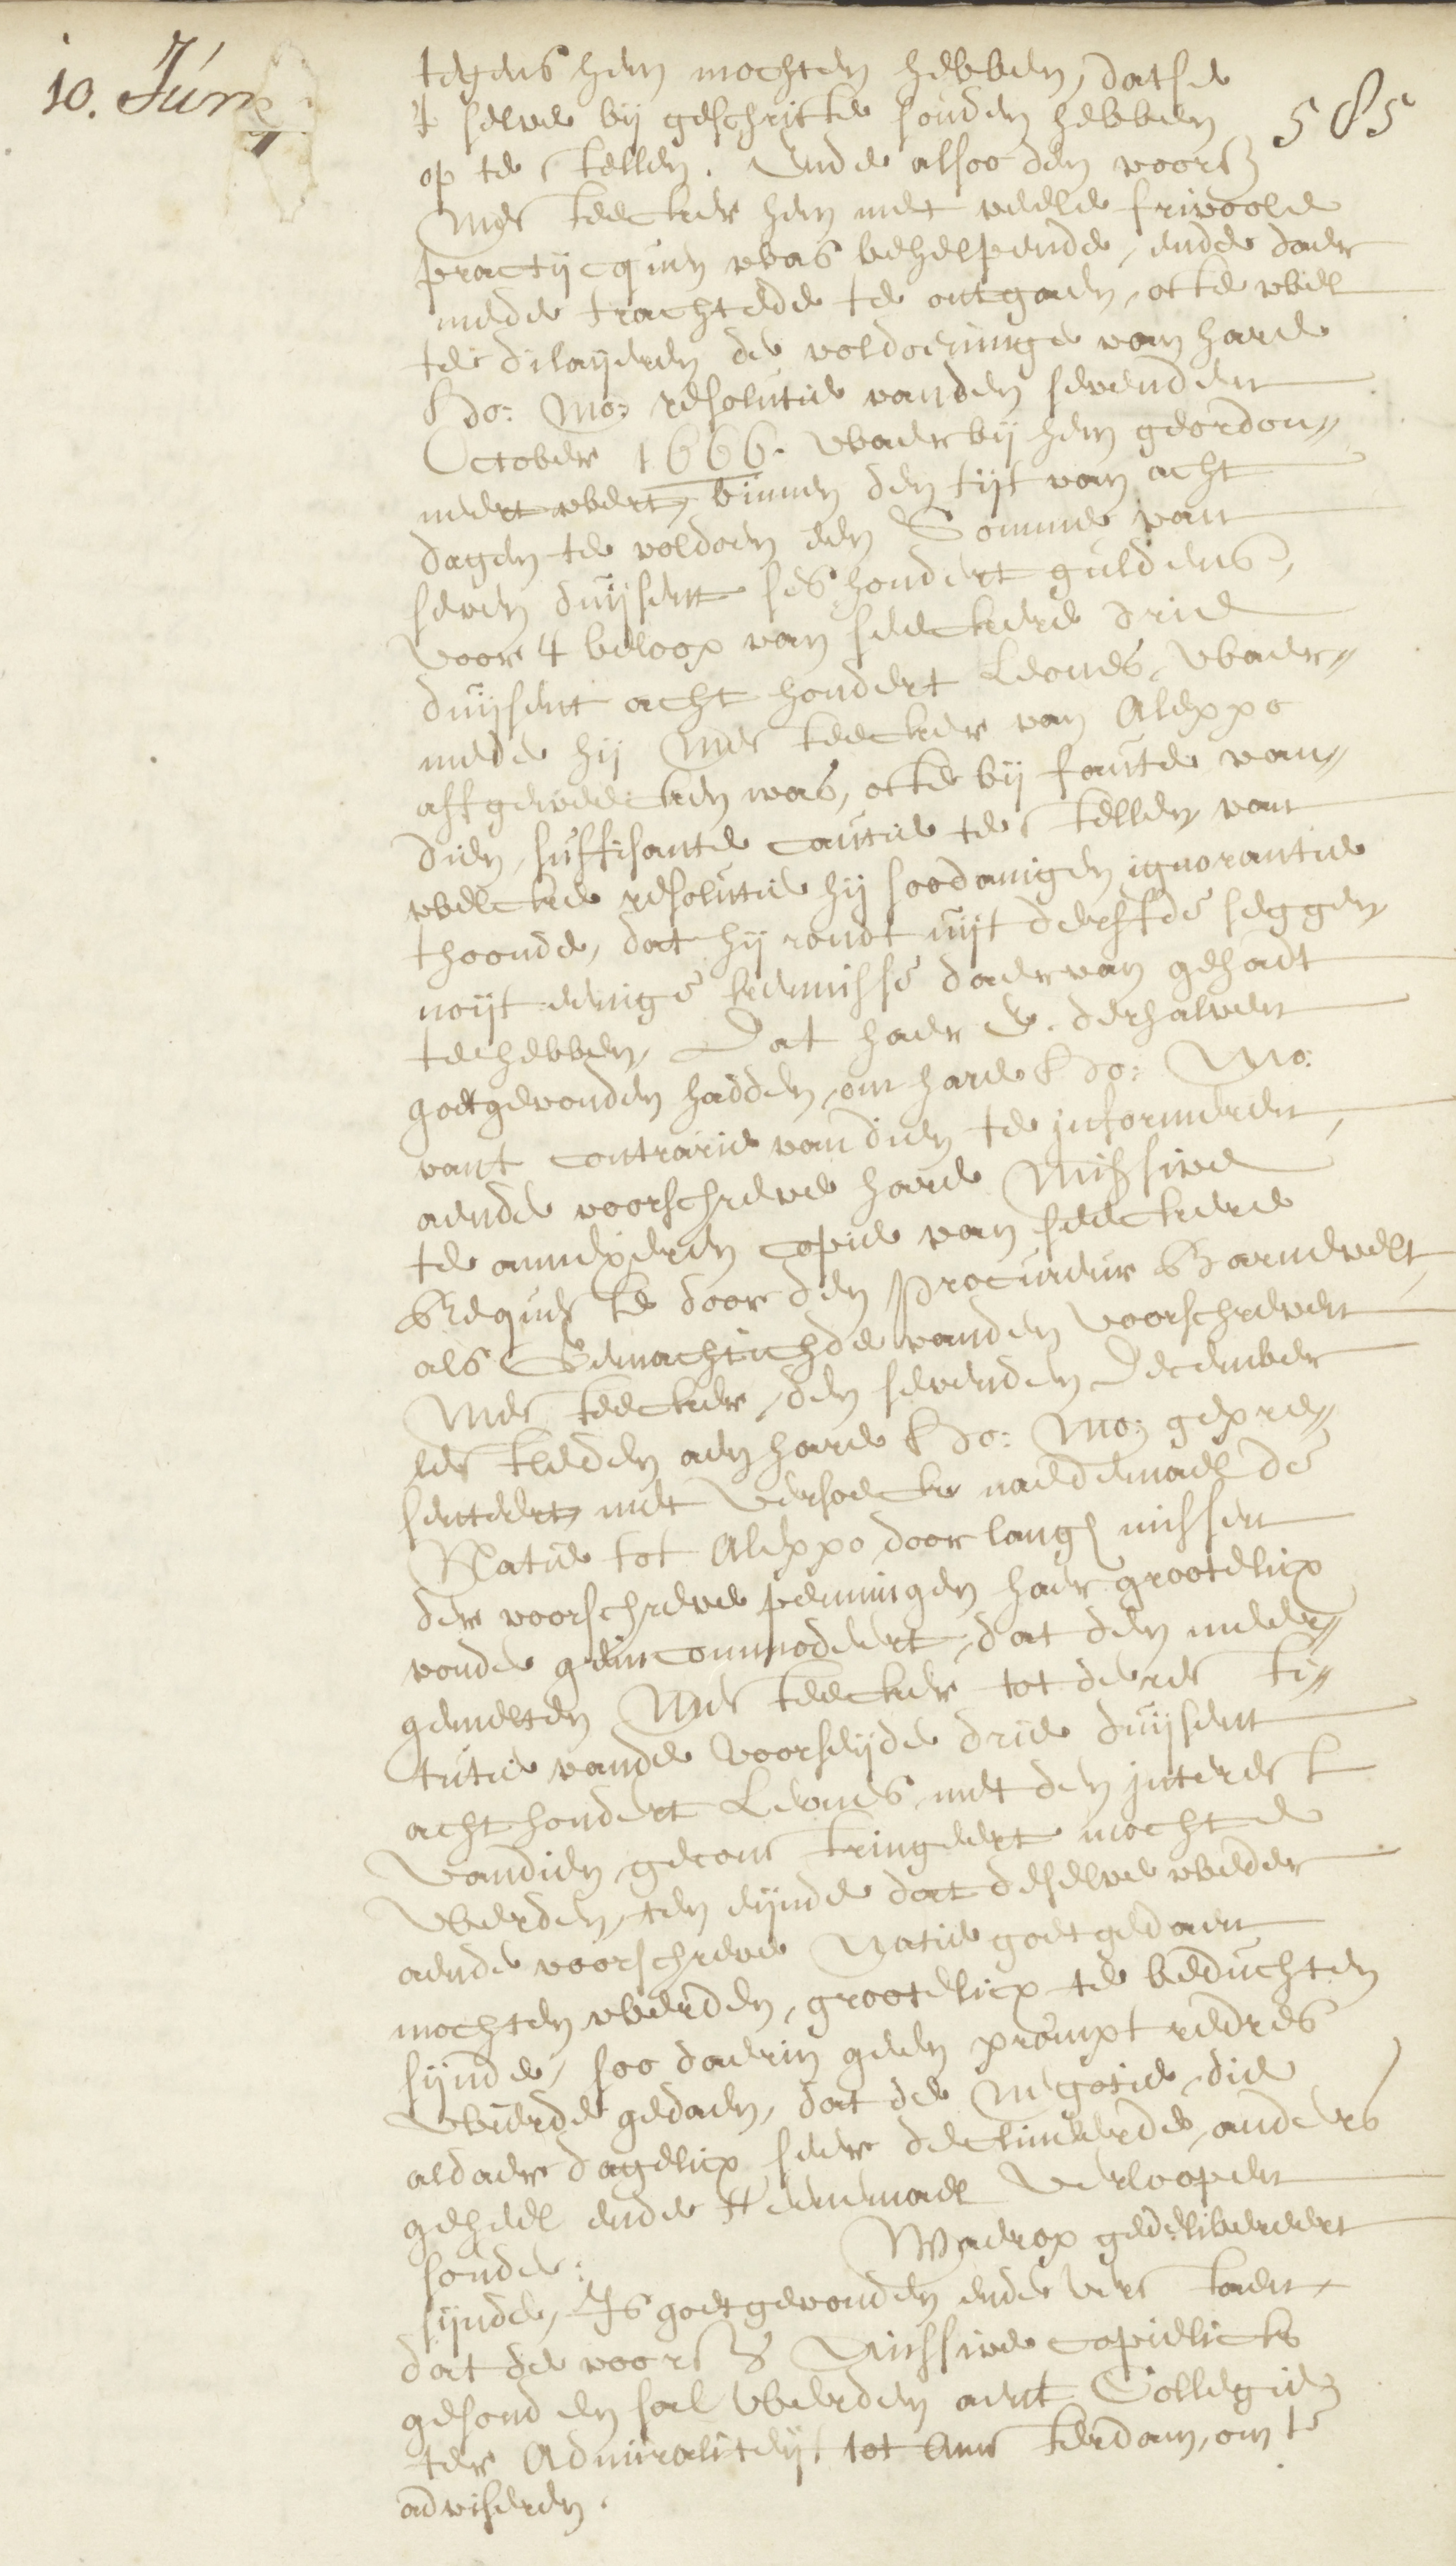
585
10. Jun
tegens hem mochten hebben, datse
't selve bij geschrifte souden hebben
op te stellen. Ende alsoo den voors
Mesteecker hem met veele frivoole
practijcquen was behelpende, ende daer
mede trachtede te ontgaen, ofte wel
te dilaijeren de voldoeninge van hare
Ho:Mo: resolutie vanden sevenden
October 1666. waerbij hem geordon„
neert wert, binnen den tijt van acht
dagen te voldoen een Somme van
seven duijsent ses hondert guldens,
voor 't beloop van seeckere drie
duijsent acht hondert Leones, waer„
mede hij Mesteecker van Aleppo
affgeweecken was, ofte bij faute van„
dien, suffisante cautie te stellen, van
welcke resolutie hij soodanigen ignorantie
thoonde, dat hij rondt uijt derffde seggen
noijt eenige kennisse daervan gehadt
te hebben. Dat haer E. derhalven
goetgevonden hadden, om hare Ho:Mo:
vant contrarie van dien te informeren
aende voorschreve hare Missive
te annexeren copie van seeckere
Requeste door den Procureur Barnevelt
als Gemachtichde vanden voorschreven
Mesteecker, den sevenden December
lestleden aen hare Ho:Mo: gepre„
senteert, met versoeck naedemael de
Natie tot Aleppo door langh missen
der voorschreve penningen haer grootelicx
vonde geincommodeert, dat den meer„
gemelten Mesteecker tot de resti„
tutie vande voorseijde drie duijsent
acht hondert Leones, met den interest
vandien, geconstringeert mochte
werden, ten eijnde dat deselve weder
aende voorschreve natie goetgedaen
mochten werden, grootelicx te beduchten
sijnde, soo daerin geen prompt redres
wierde gedaen, dat de negotie, die
aldaer dagelicx seer declineerde, anders
geheel ende t‛eenemael verloopen
soude. Waerop gedelibereert
sijnde, Is goetgevonden ende verstaen,
dat de voors missive copielick
gesonden sal werden aent Collegie
ter Admiraliteijt tot Amsterdam, om te
adviseren.
